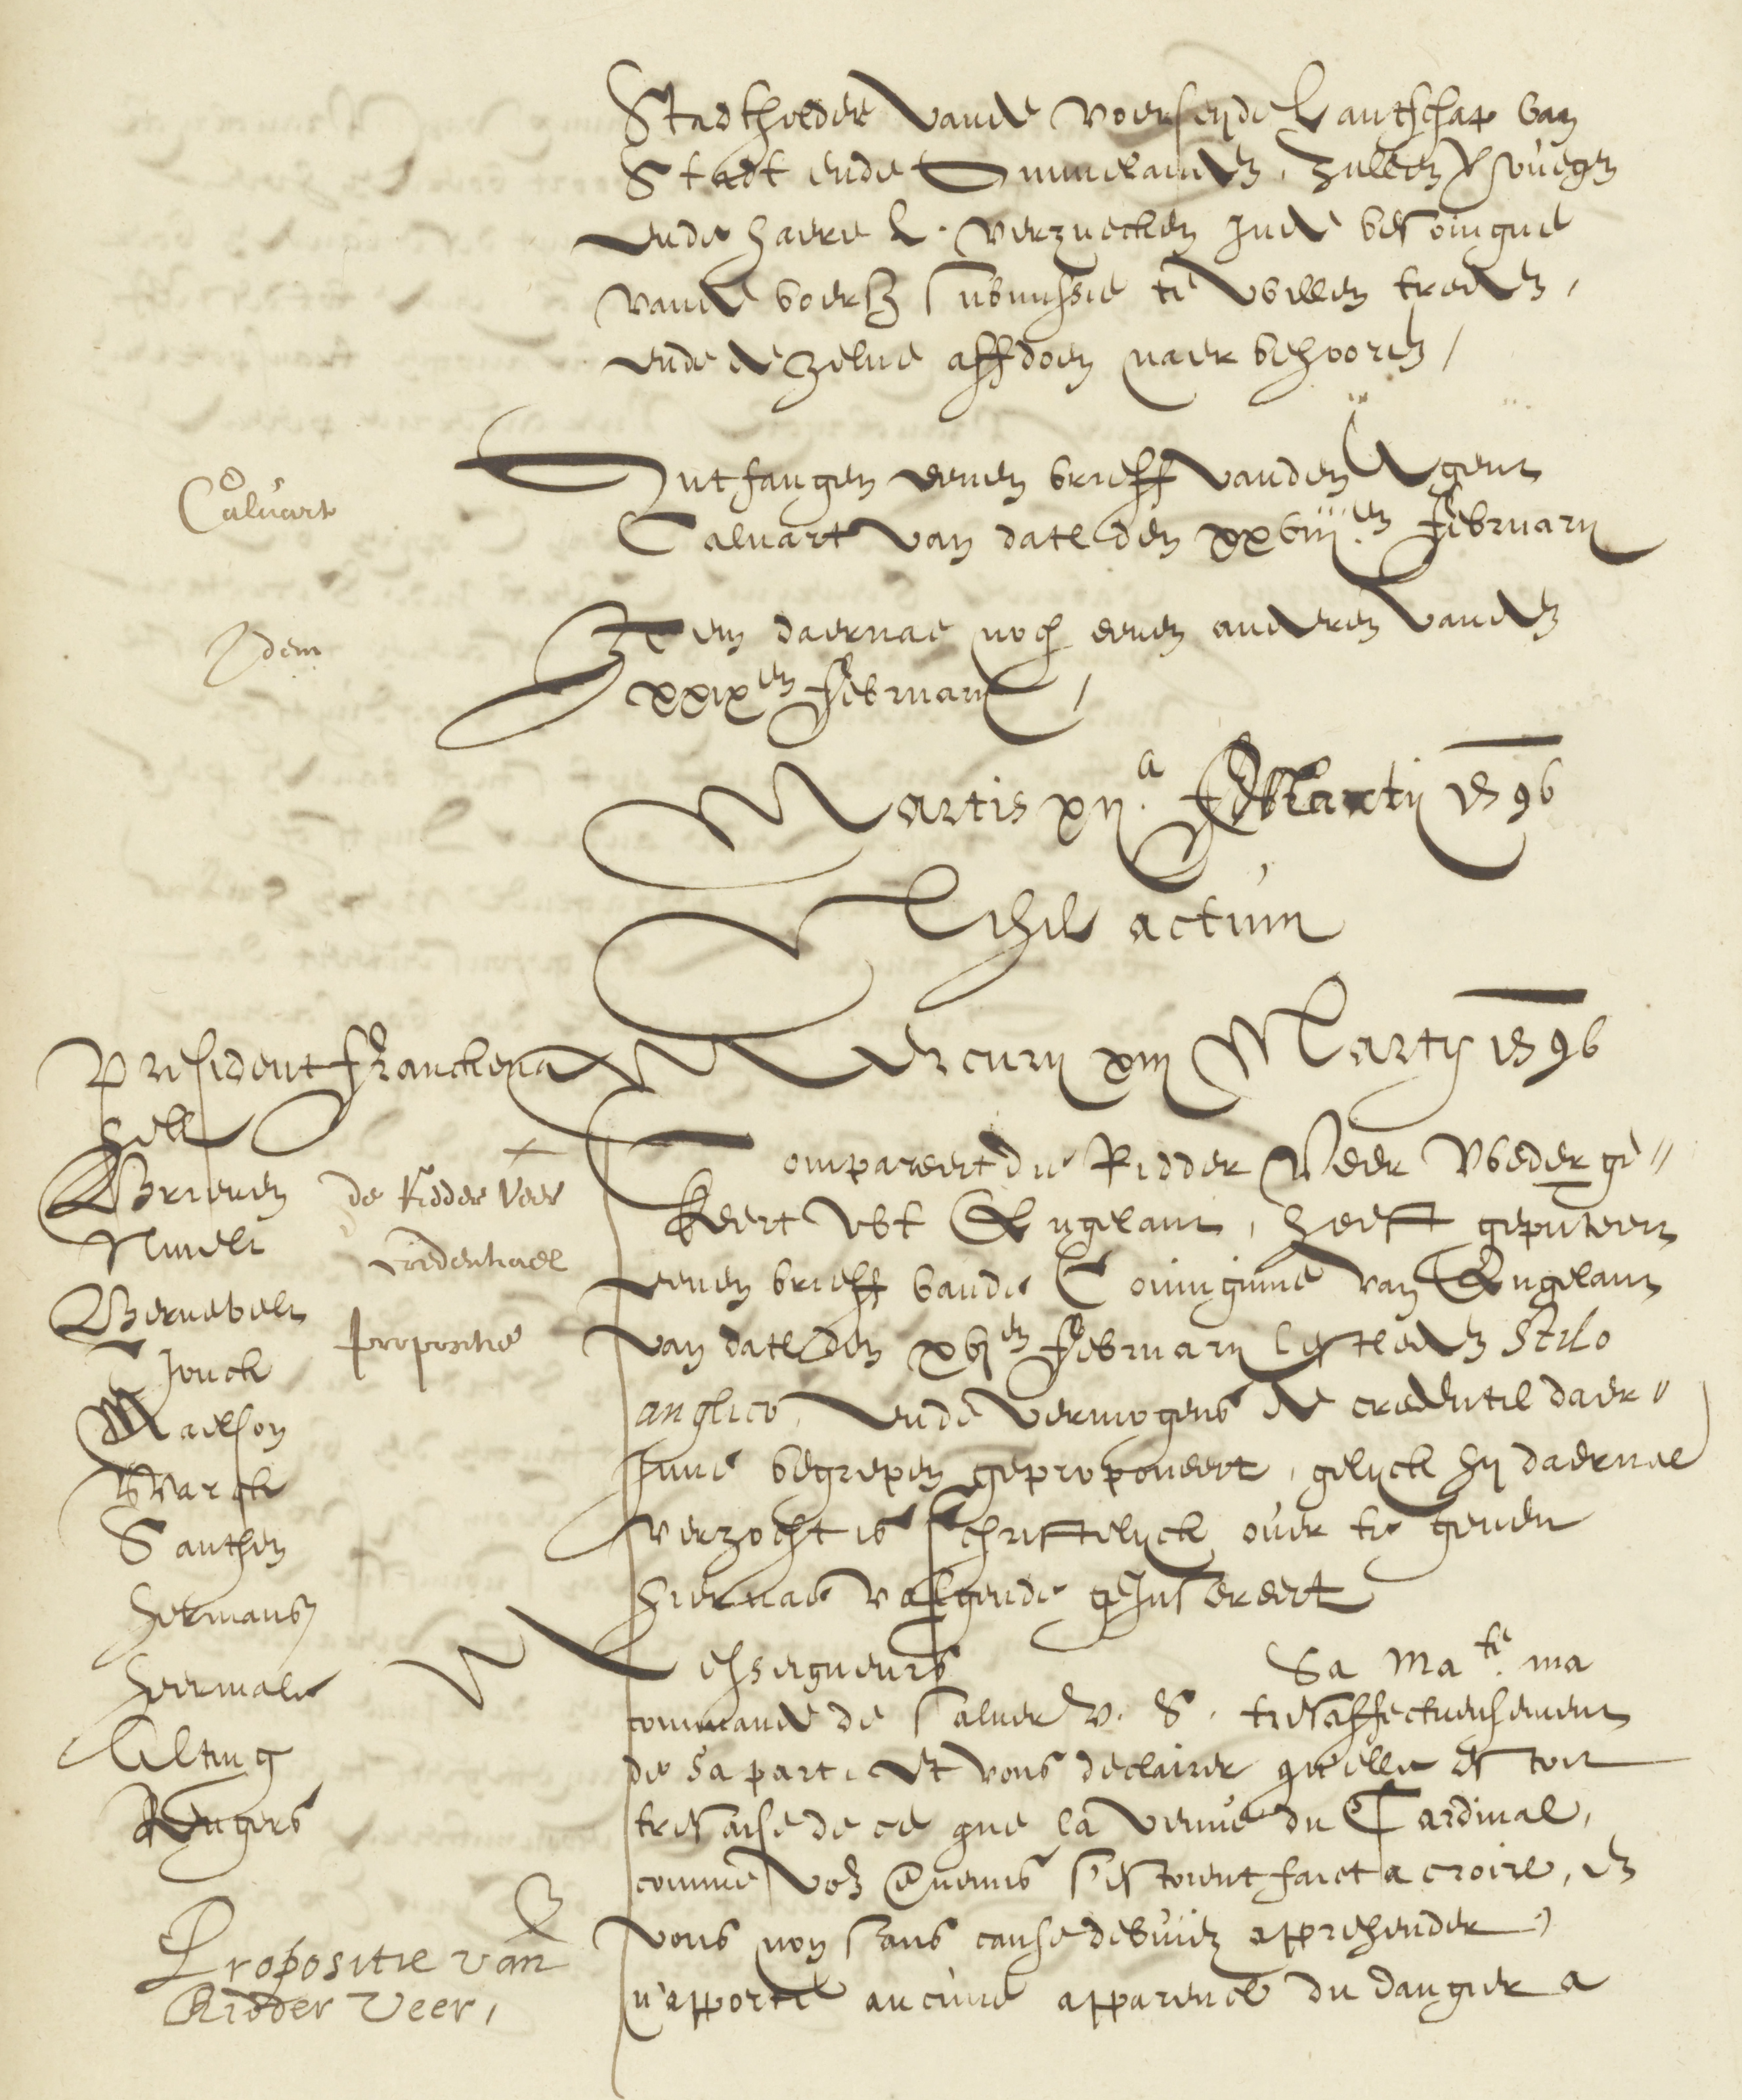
Stadtholder vande voerseyde Lantschap van
Stadt ende Ommelanden, zullen vvuegen
ende haere E. verzuecken Inde besoingne
vande voers submissie te willen treden,
ende dezelue affdoen naer behooren.
Caluart
Ontfangen eenen brieff vanden Agent
Caluart van date den xxviijen February
Idem.
Item daernae noch eenen anderen vanden
xxixen February
Martis xija. Marty 1596
Nihil actum
Mercury xiij Marty 1596
President Franckena
Hell
Brienen de Ridder Veer
Niuelt
credentiael
Bernevelt
propositie
Jonck
Maelson
Warck
Santhen
Hermansz
Heermale
Alting
Kugers
Compareert die Ridder Veer wederge„
keert Wt Engelant, heeft gepnteert
eenen brieff vande Coninginne van Engelant
van date den xvien February lestleden stilo
anglico ende vermogens de credentie daer„
Inne begrepen geproponeert, gelyck hy daerinne
verzocht is schriftelyck ouer te geuen
hiernae volgende geInsereert
Propositie van
Ridder Veer,
Messeigneurs Sa Mate. ma
commande de saluer V. S. tres affectueusement
de sa part, et vous declairer qu‛elle estoit
tres aise de ce que la venue du Cardinal,
comme voz enemis s‛estoient faict a croire, et
vous non sans cause debuiez apprehender
n‛apporte aucune apparence du dangier a
